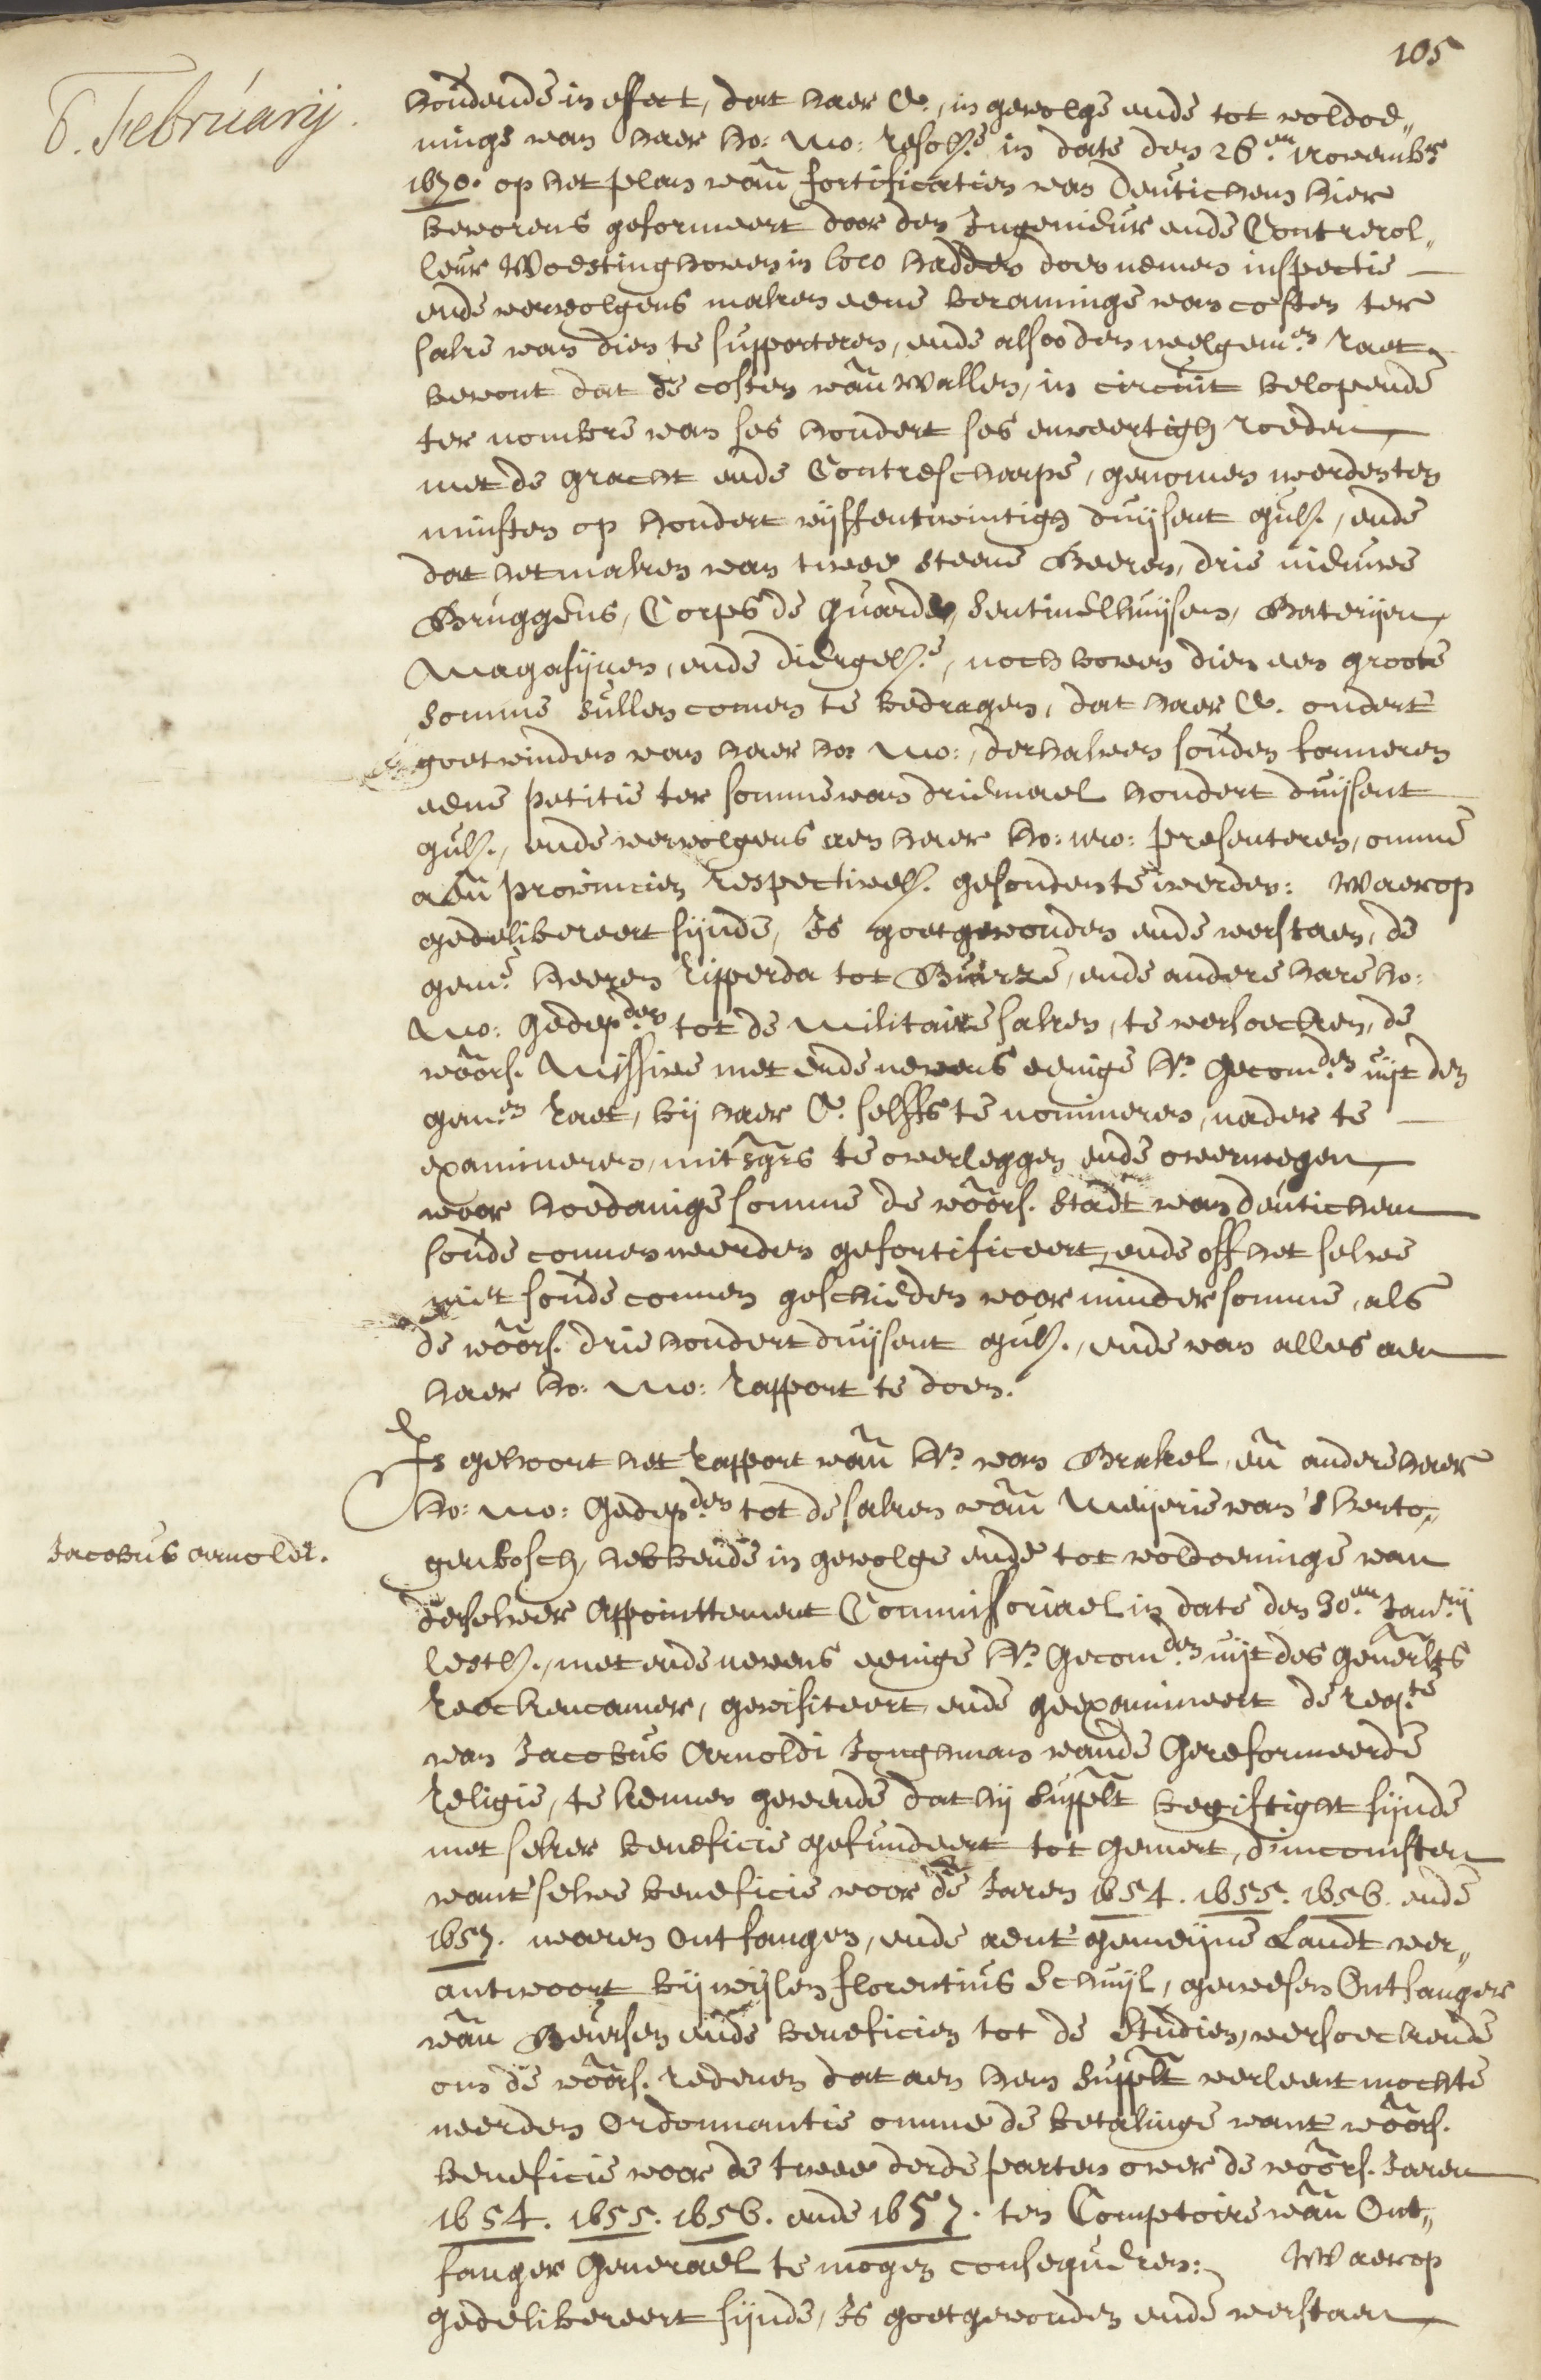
105
6. Februarij.
Jacobus Arnoldi.
houdende in effect, dat haer E., in gevolge ende tot voldoe„
ninge van haer Ho:Mo: resole. in date den 26en. Novembr.
1670. op het plan van fortificatien van Deutichem hier
bevorens geformeert door den Ingenieur ende Contrerol„
leur Woestinghoven in loco hadden doen nemen inspectie —
ende vervolgens maken eene beraminge van costen ter
sake van dien te supporteren, ende alsoo den welgemen. Raet
bevont dat de costen van Wallen, in circuit belopende
ter nombre van ses hondert ses enveertigh roeden
met de gracht ende Contrescharpe, genomen worden ten
minsten op hondert vijffentwintigh duijsent gul., ende
dat het maken van twee steene Beeren, drie nieuwe
Bruggens, Corps de Guarden, sentinelhuijsen, Baterijen,
Magasijnen, ende diergele., noch boven dien een groote
somme sullen comen te bedragen, dat haer E. ondert‛
goetvinden van haer ho:Mo:, derhalven souden formeren
eene petitie ter somme van driemael hondert duijsent
gul., ende vervolgens aen haer Ho:Mo: presenteren, omme
aen provincien respectivel. gesonden te werden: Waerop
gedelibereert sijnde, Is goetgevonden ende verstaen, de
geme. Heeren Ripperda tot Buirze, ende andere hare ho:
Mo: Gedepden. tot de Militaire saken, te versoecken, de
voors. Missive met ende nevens eenige Hn. Gecomden. uijt den
gemen. Raet, bij haer E. selffs te nomineren, nader te —
examineren, mitsgrs te overleggen ende overwegen
voor hoedanige somme de voors. Stadt van deutichem
soude connen werden gefortificeert, ende off het selve
niet soude connen geschieden voor minder somme, als
de voors. driehondert duijsent gul., ende van alles aen
haer Ho:Mo: rapport te doen.
Is gehoort het rapport van Hn. van Brakel, en andere haer
Ho:Mo: Gedepden. tot de saken van Meijerie van 'sHerto,,
genbosch, hebbende in gevolge ende tot voldoeninge van
derselver Appointtement Commissoriael in date den 30en. Janrij.
lestl. met ende nevens eenige Hn. Gecomden. uijt des generlts
Reeckencamer, gevisiteert, ende geexamineert de reqte.
van Jacobus Arnoldi Jonghman vande Gereformeerde
Religie, te kennen gevende dat hij Supplt begiftight sijnde
met seker beneficie gefundeert tot gemert, d‛incomsten
vant' selve beneficie voor de Jaren 1654. 1655. 1656 ende
1657. waren ontfangen, ende aent' gemeijne Landt ver„
antwoort bij wijlen Florentius Schuijl, gewesen Ontfanger
van Beursen ende beneficien tot de Studien, versoeckende
om de voors. redenen dat aen hem Supplt verleent mochte
werden ordonnantie omme de betalinge vant' voors.
beneficie voor de twee derde parten over de voors. Jaren
1654. 1655. 1656. ende 1657. ten Comptoire van Ont„
fanger Generael te mogen consequeren: Waerop
gedelibereert sijnde, Is goetgevonden ende verstaen
